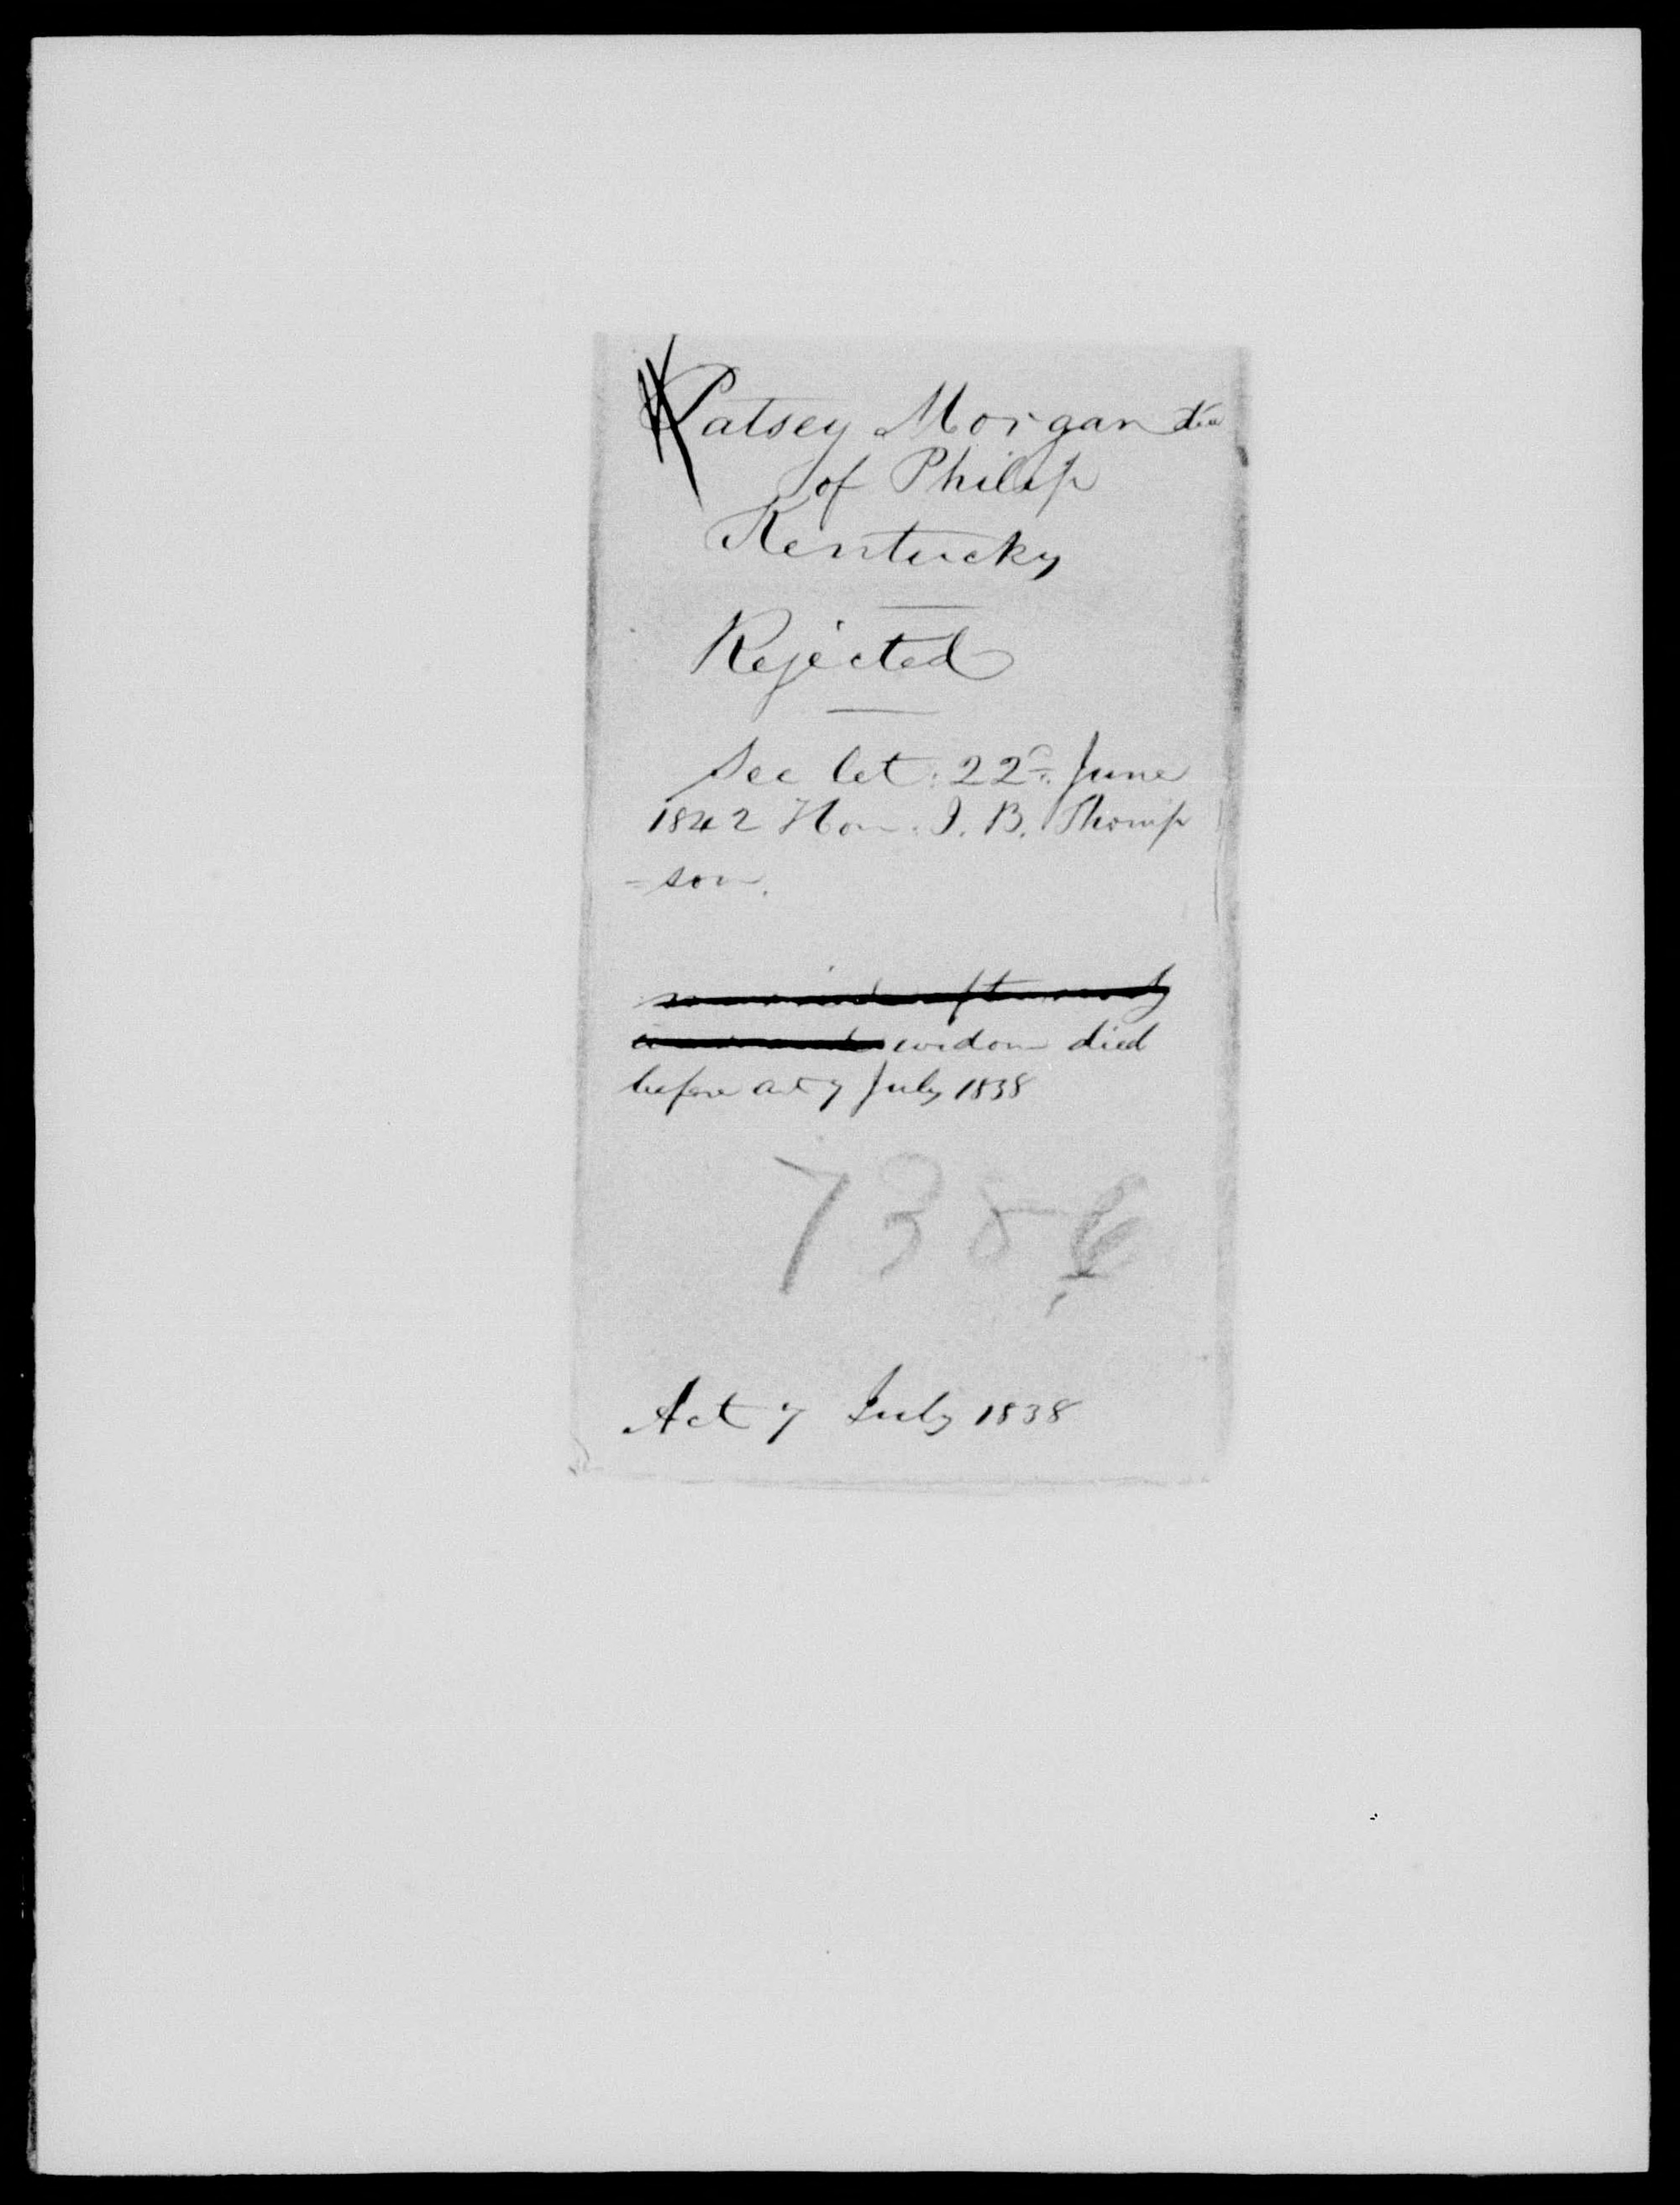Patsey Morgan
of Philip
Kentucky
Rejected
See let. 22d June
1842 Hon. J. B. Thompson
widow died
before act 7 July 1838
7386
Act 7 July 1838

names: Patsey Morgan; J B Thompson; Philip Morgan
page: 8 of 16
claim: rejected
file: R 7386, for Philip Morgan, Georgia